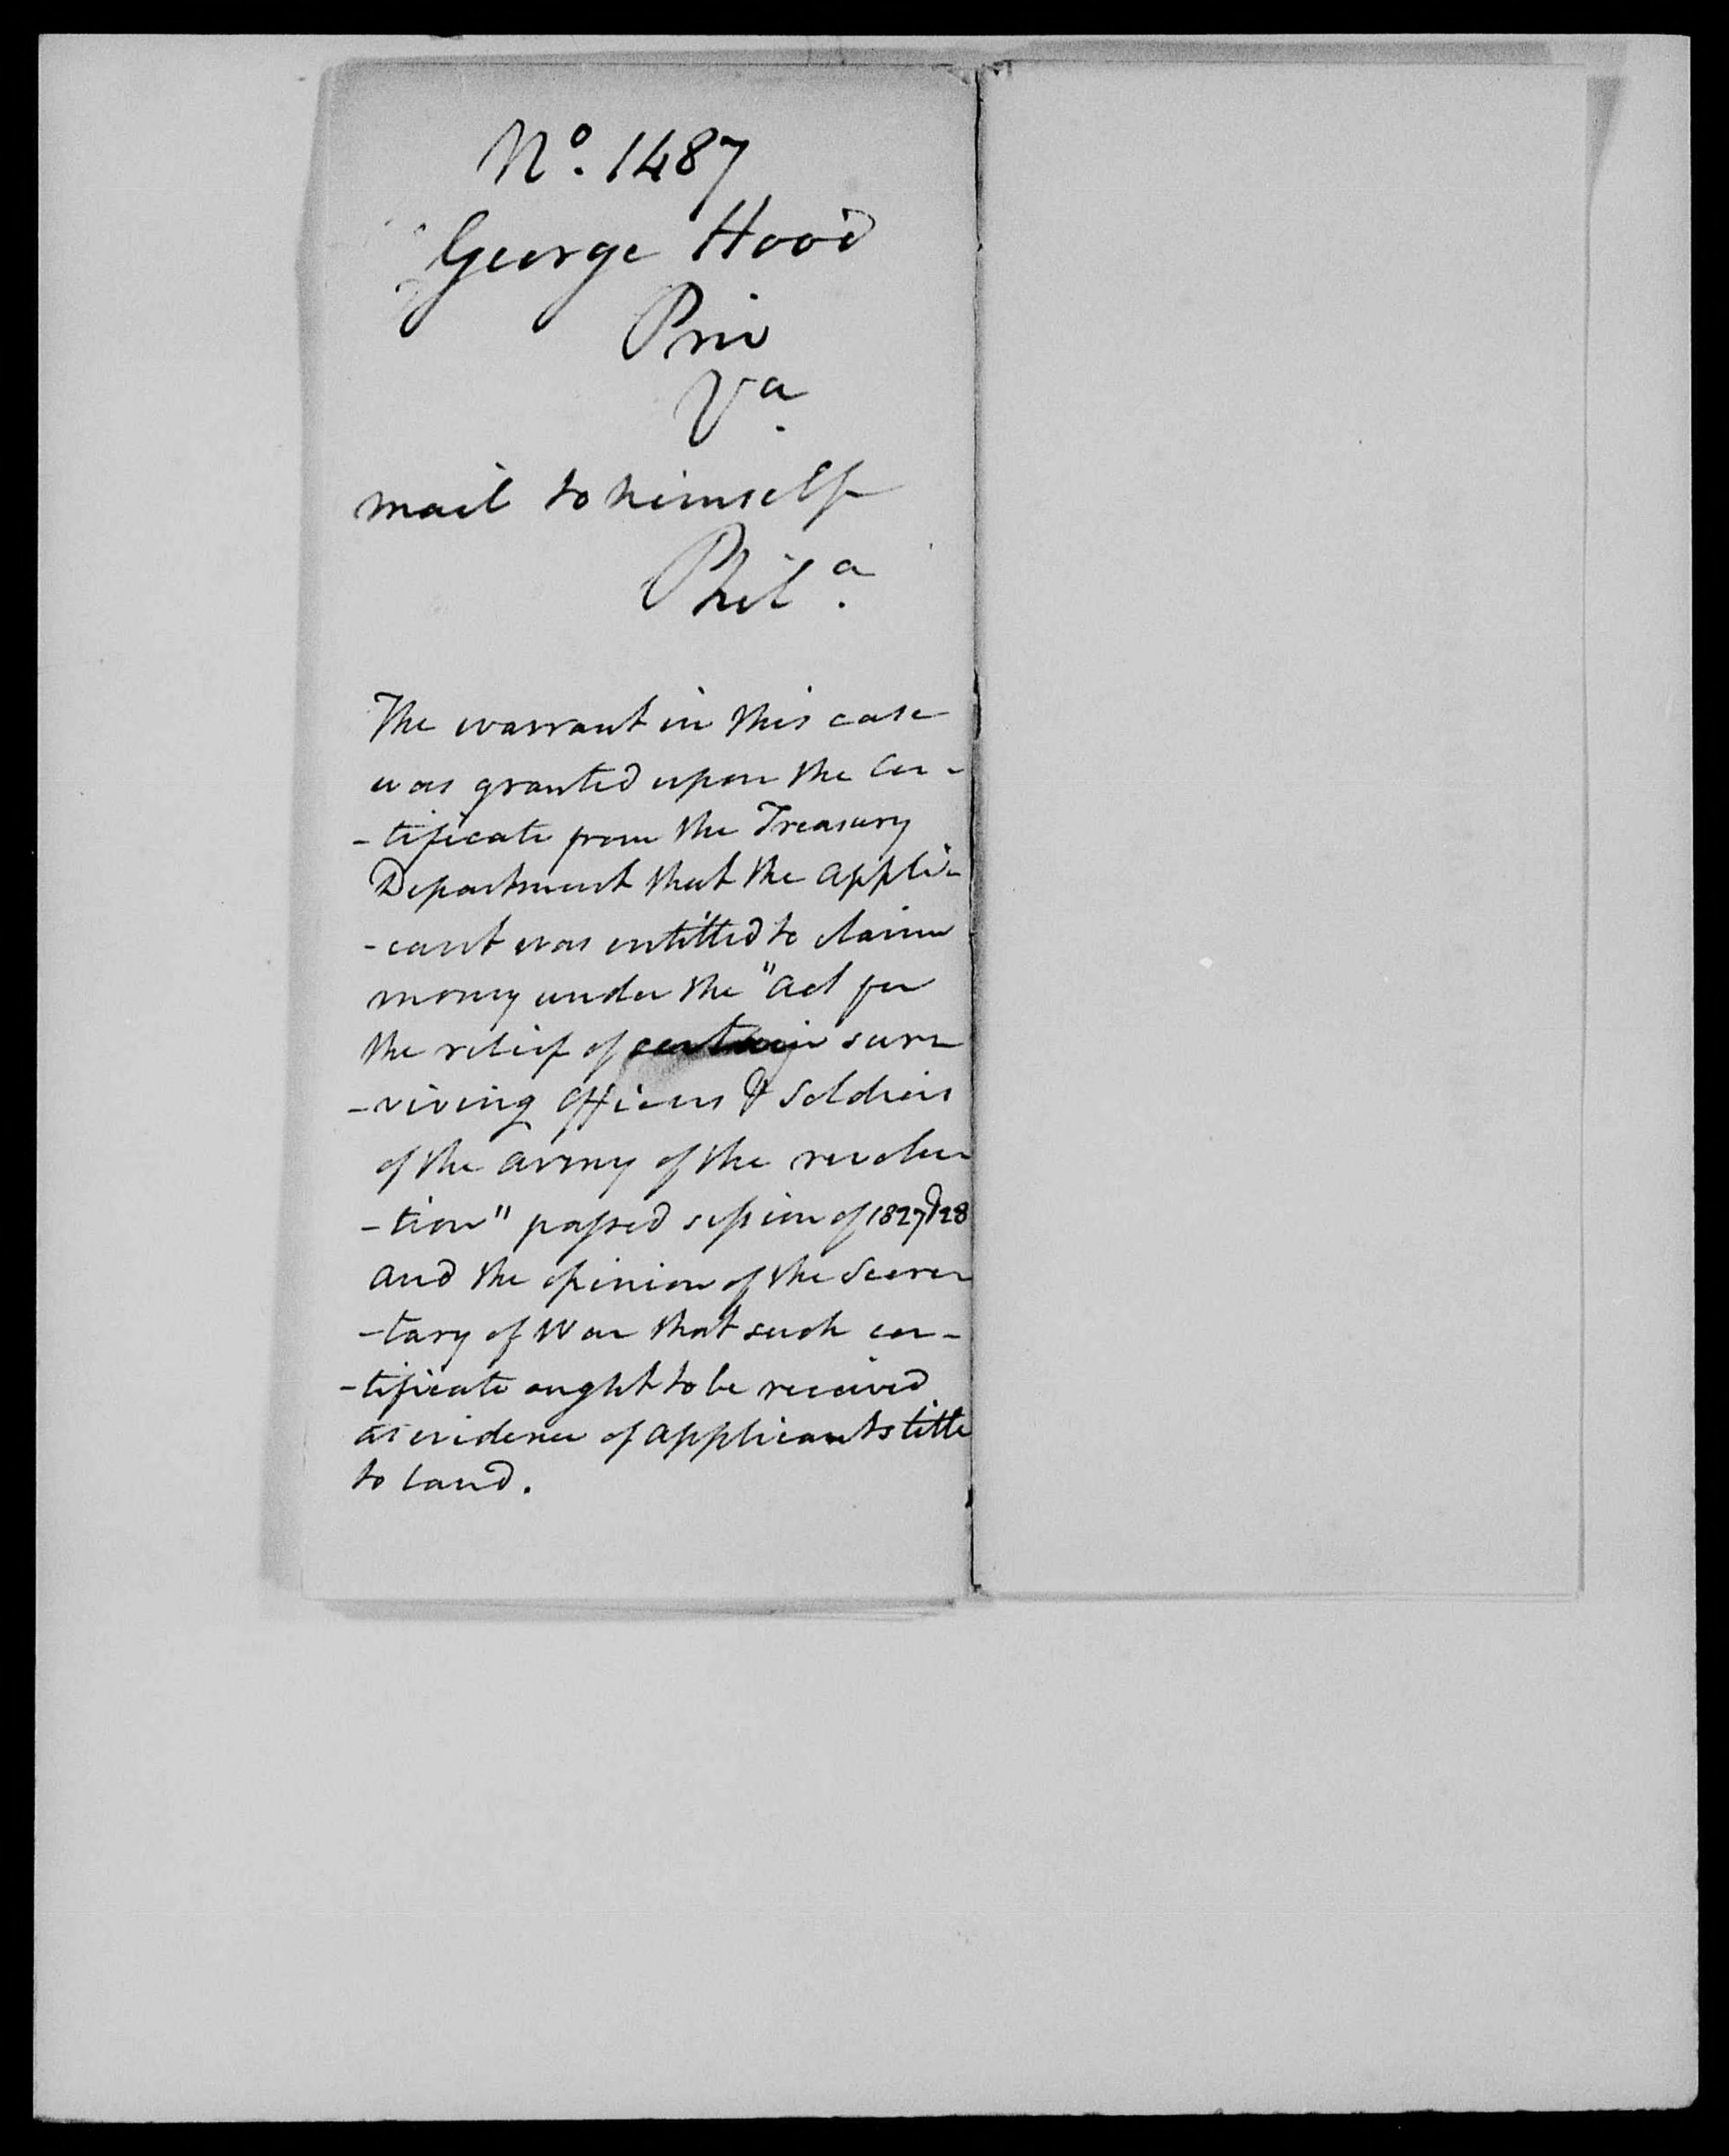No. 1487
George Hood
Pennsylvania
Mail to himself 
Philadelphia

The warrant in this case was granted when the certificate from the Treasury Department that the applicant was entitled to claim money under the ““An Act for the Relief of Certain Surviving Officers and Soldiers of the Revolution,” passed in 1827/28 and the opinion of the Secretary of War that such certificate ought to be received by widower of applicant’s title to land.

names: George Hood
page: 25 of 51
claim: widow's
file: W 8939, George Hood, Continental Va.